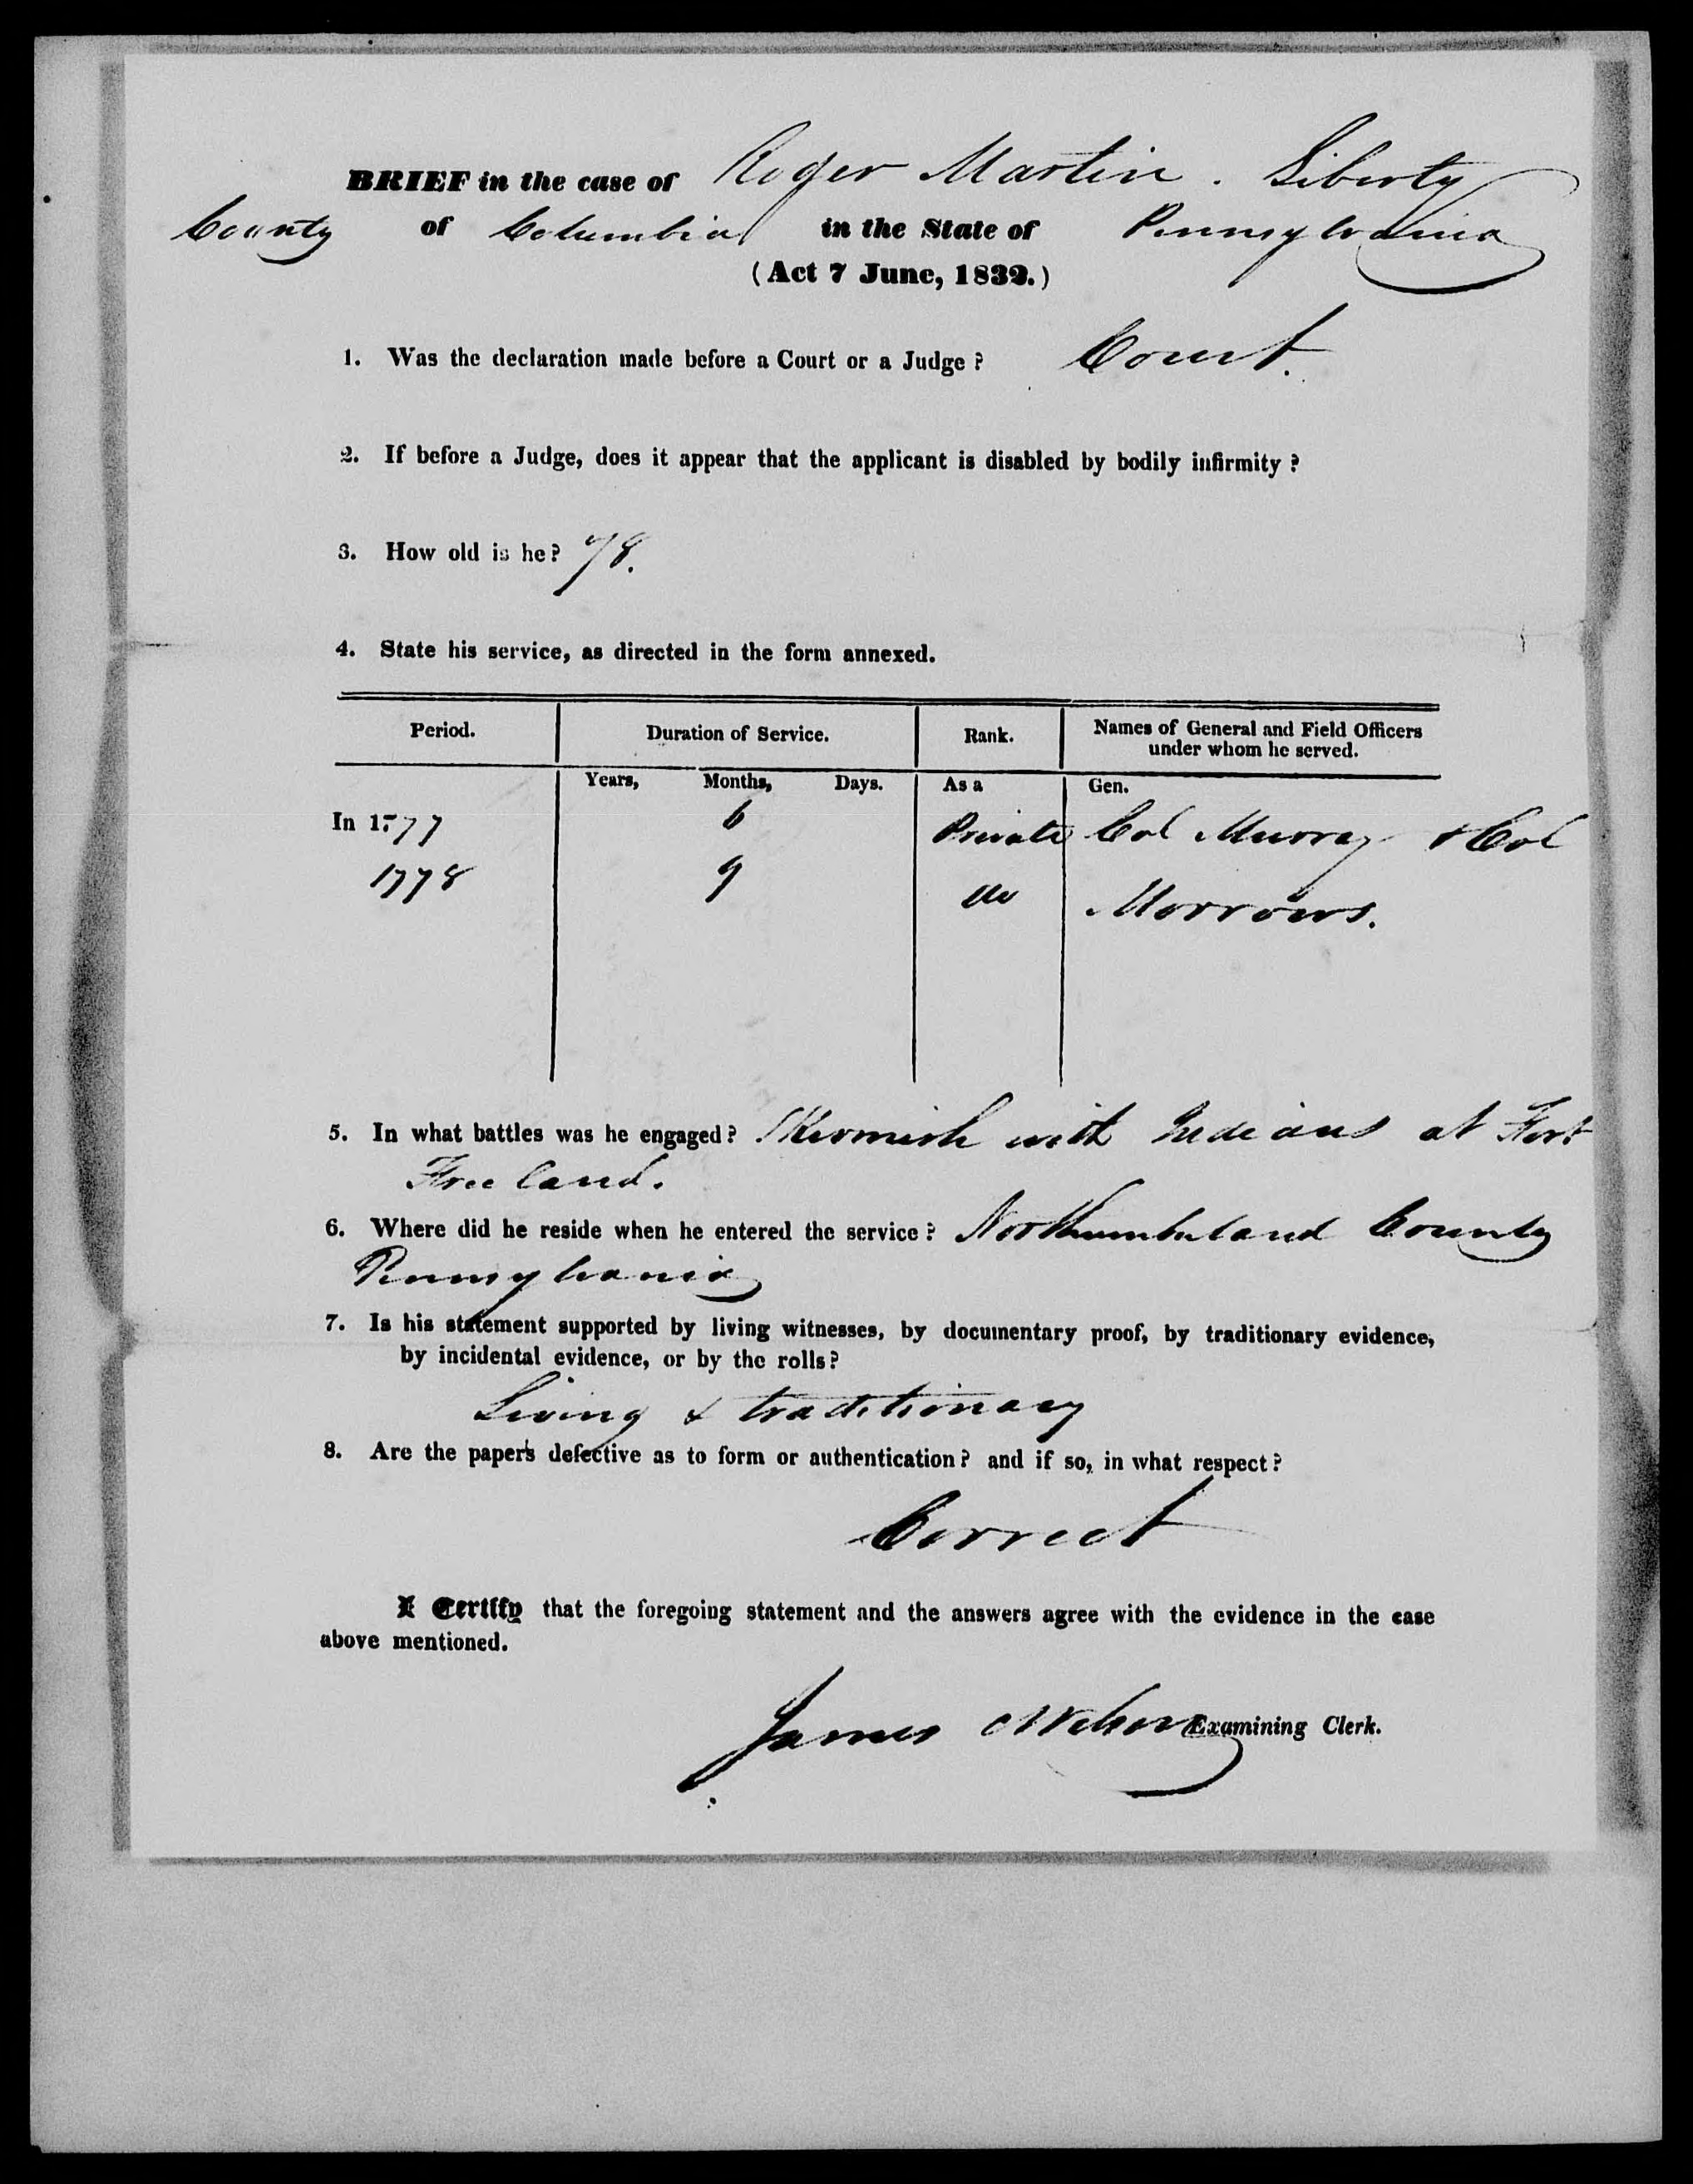Brief in the case of Roger Martin 
Liberty (Township) County of Columbia in the state of Pennsylvania.
(Act 7 June, 1832,)

1.  Was the declaration made before a Court or a Judge?  Court.
2.   If before a Judge, does it appear that the applicant is disabled by bodily infirmity?
3.   How old is he?  78
4.  State his service, as directed in the for annexed.
============================
Period/Duration of Service/Rank/Names of General and Field Officers under whom he served.

In 1777/6 (months)/Private/Col. Murray
In 1778/9 (months)/Private/Col. Morrows

5.  In what battles was he engaged? Skirmishs with Indians at Fort Freeland.
6.  Where did he reside when he entered the service?  Northumberland County Pennsylvania
7.   Is his statement supported by living witnesses, by documentary proof, by traditionary evidence, by incidental evidence, or by the rolls?  Living and traditionary.
8.  Are the papers defective as to form or authentication? and if so, in what respect? Correct.

Certify that the foregoing statement and the answers agree with the evidence in the case above mentioned.
                                         //s//
                          James Wehing Examining Clerk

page: 4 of 12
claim: survivor's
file: S. 2733, for Roger Martin, Pennsylvania